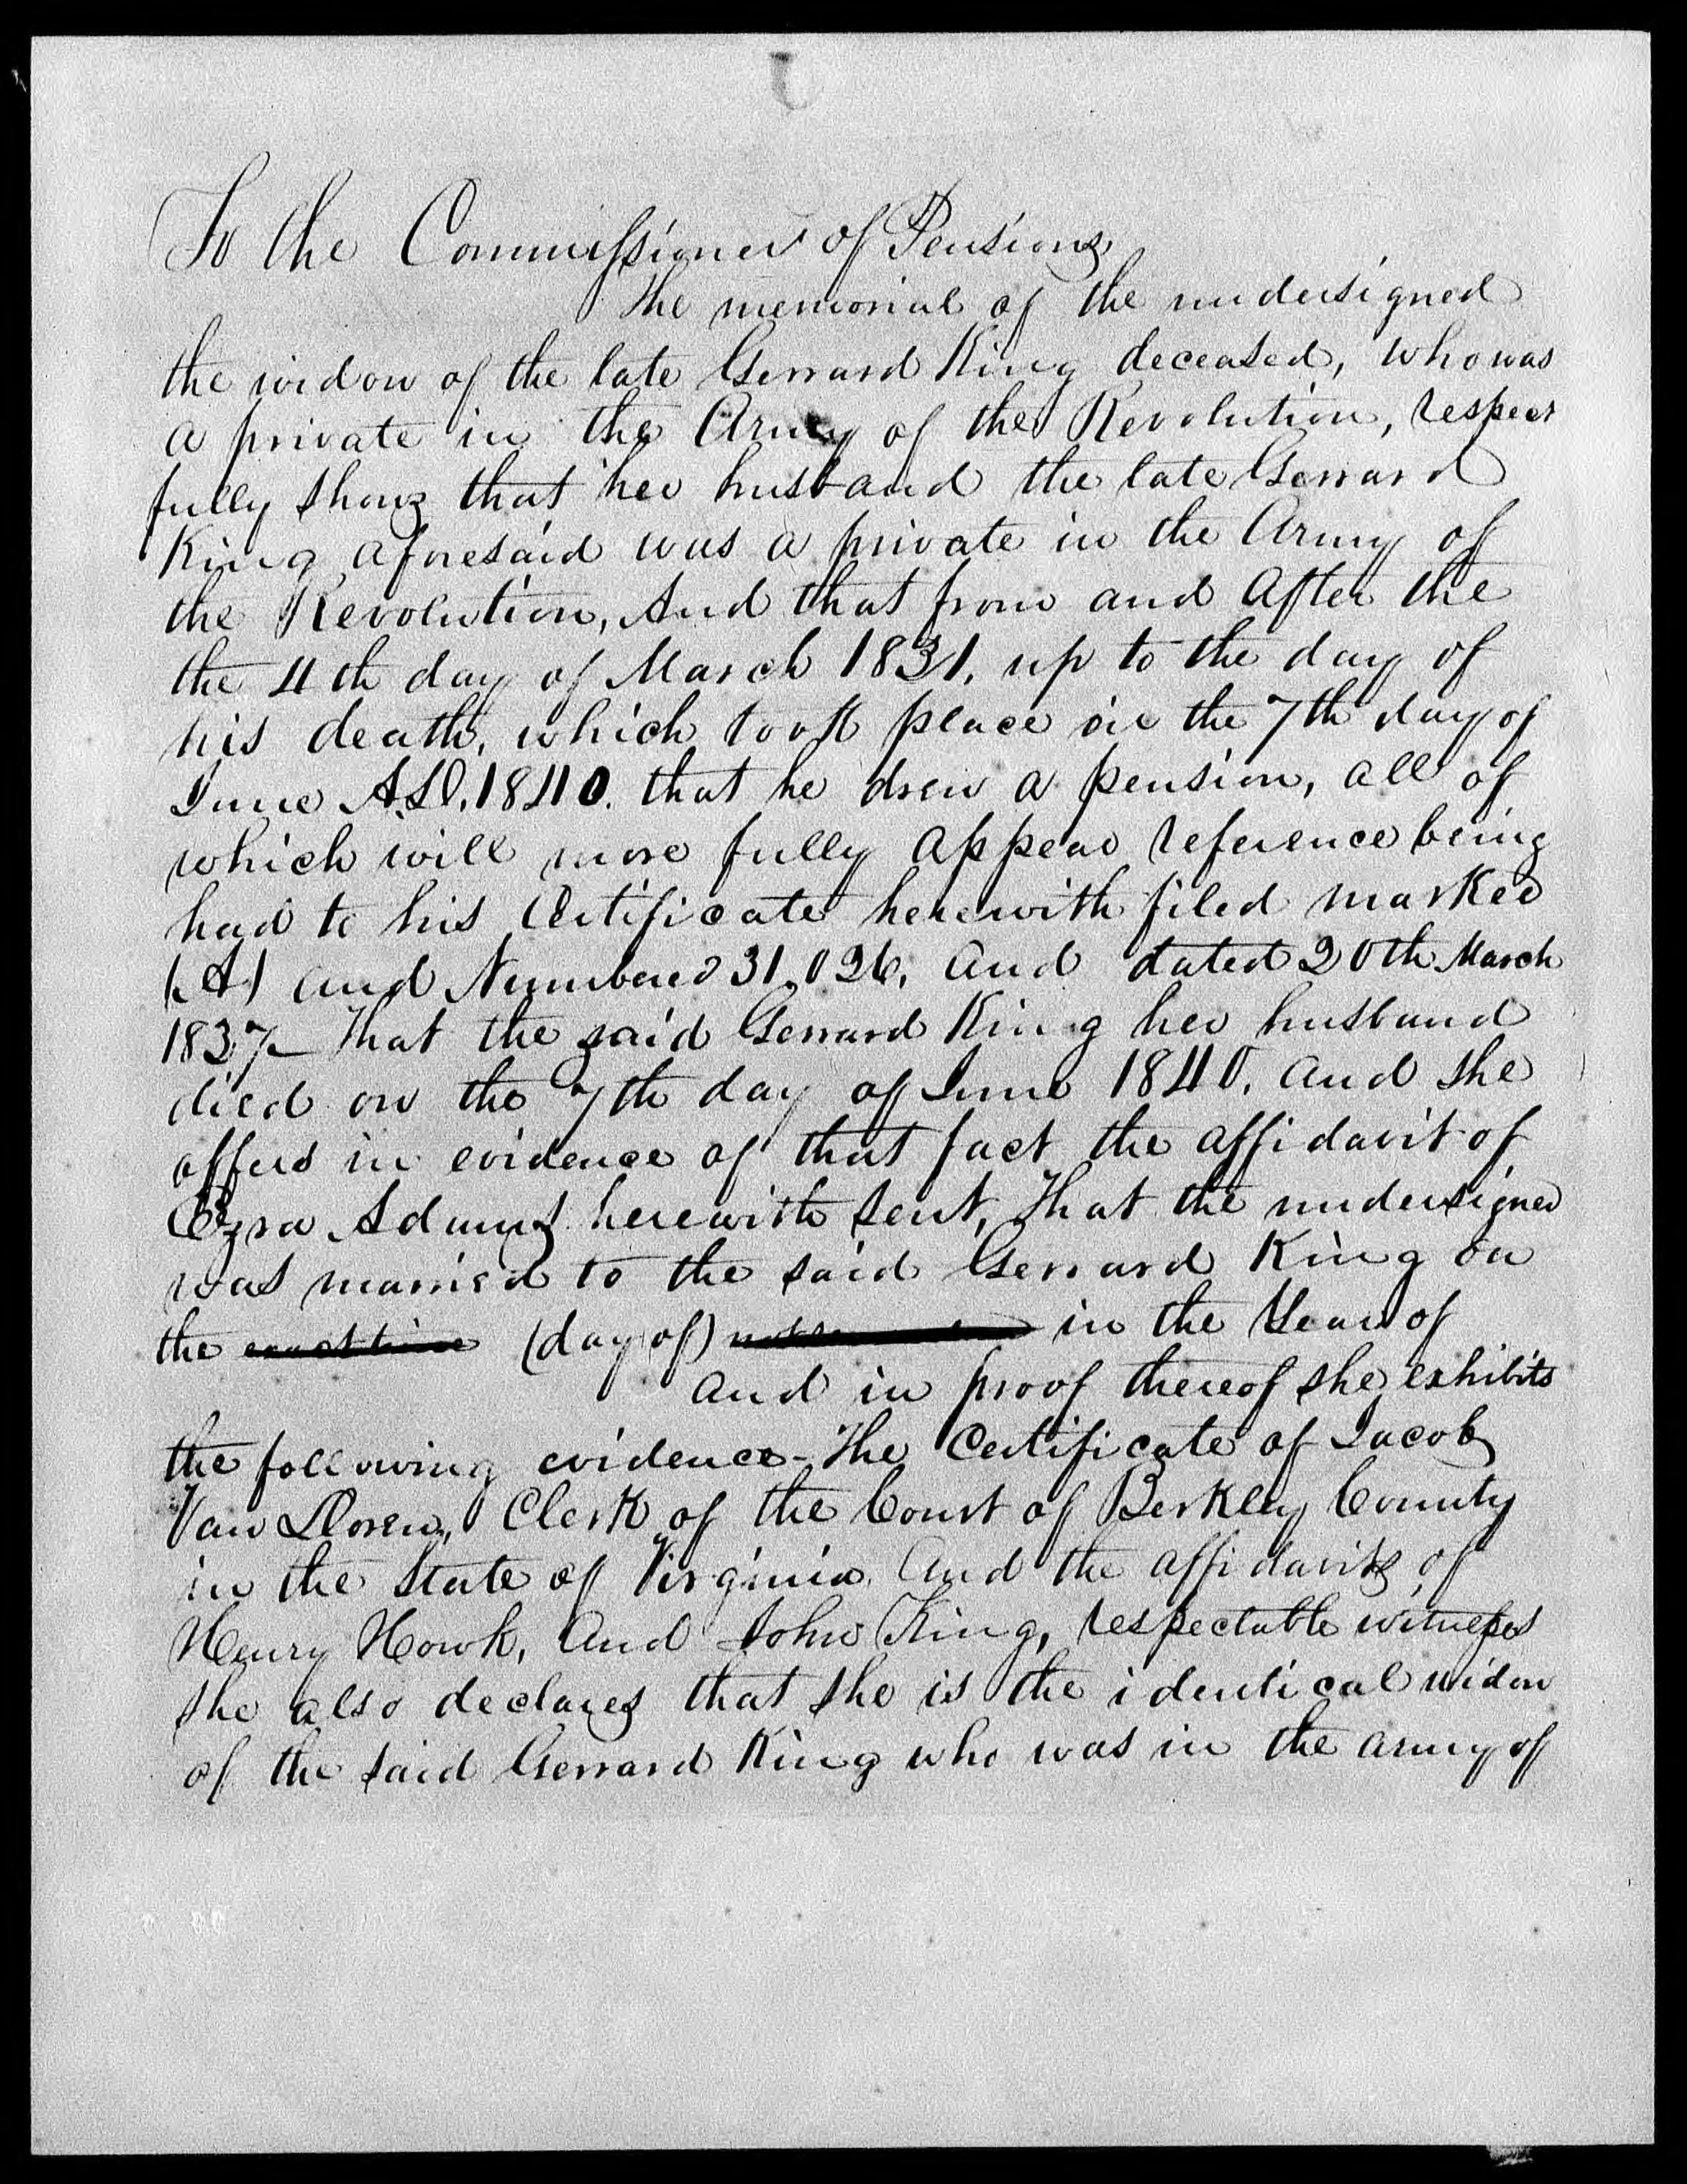To the Commissioner of Pensions
The memorial of the undersigned the widow of the late Gerrard King deceased, who was a private in the Army of the Revolution, respectully shows that her husband the late Gerrard King aforesaid was a private in the Army of the Revolution, and that from and after the 4th day of march 1831, up to the day of his death, which took place sir the 7th Day of June AD 1840 that he drew a pension, all of which will [illegible] appear reference being had to his Certificate herewith file marked (A) and Numbered 31.026 and dated 20th March 1837.  That the said Gerrard King her husband died on the 7th day of June 1840 and she offered in evidence of that fact the affidavit of Ezra [illegible] herewith sent, that the undersigned was married to the said Gerrard King on the [redacted] (day of) [redacted] in the Year of [blank] and in proof thereof she exhibits the following evidence.  The Certificate of Jacob Van Doren, Clerk of the Court of Berkley County in the State of Virginia and the affidavits of Mary Hawk and John King, respectfully witness she also declates that she is the identical widow of the said Gerrard King who was in the army of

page: 6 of 45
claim: widow's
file: W. 7984, for Gerrard King, Virginia